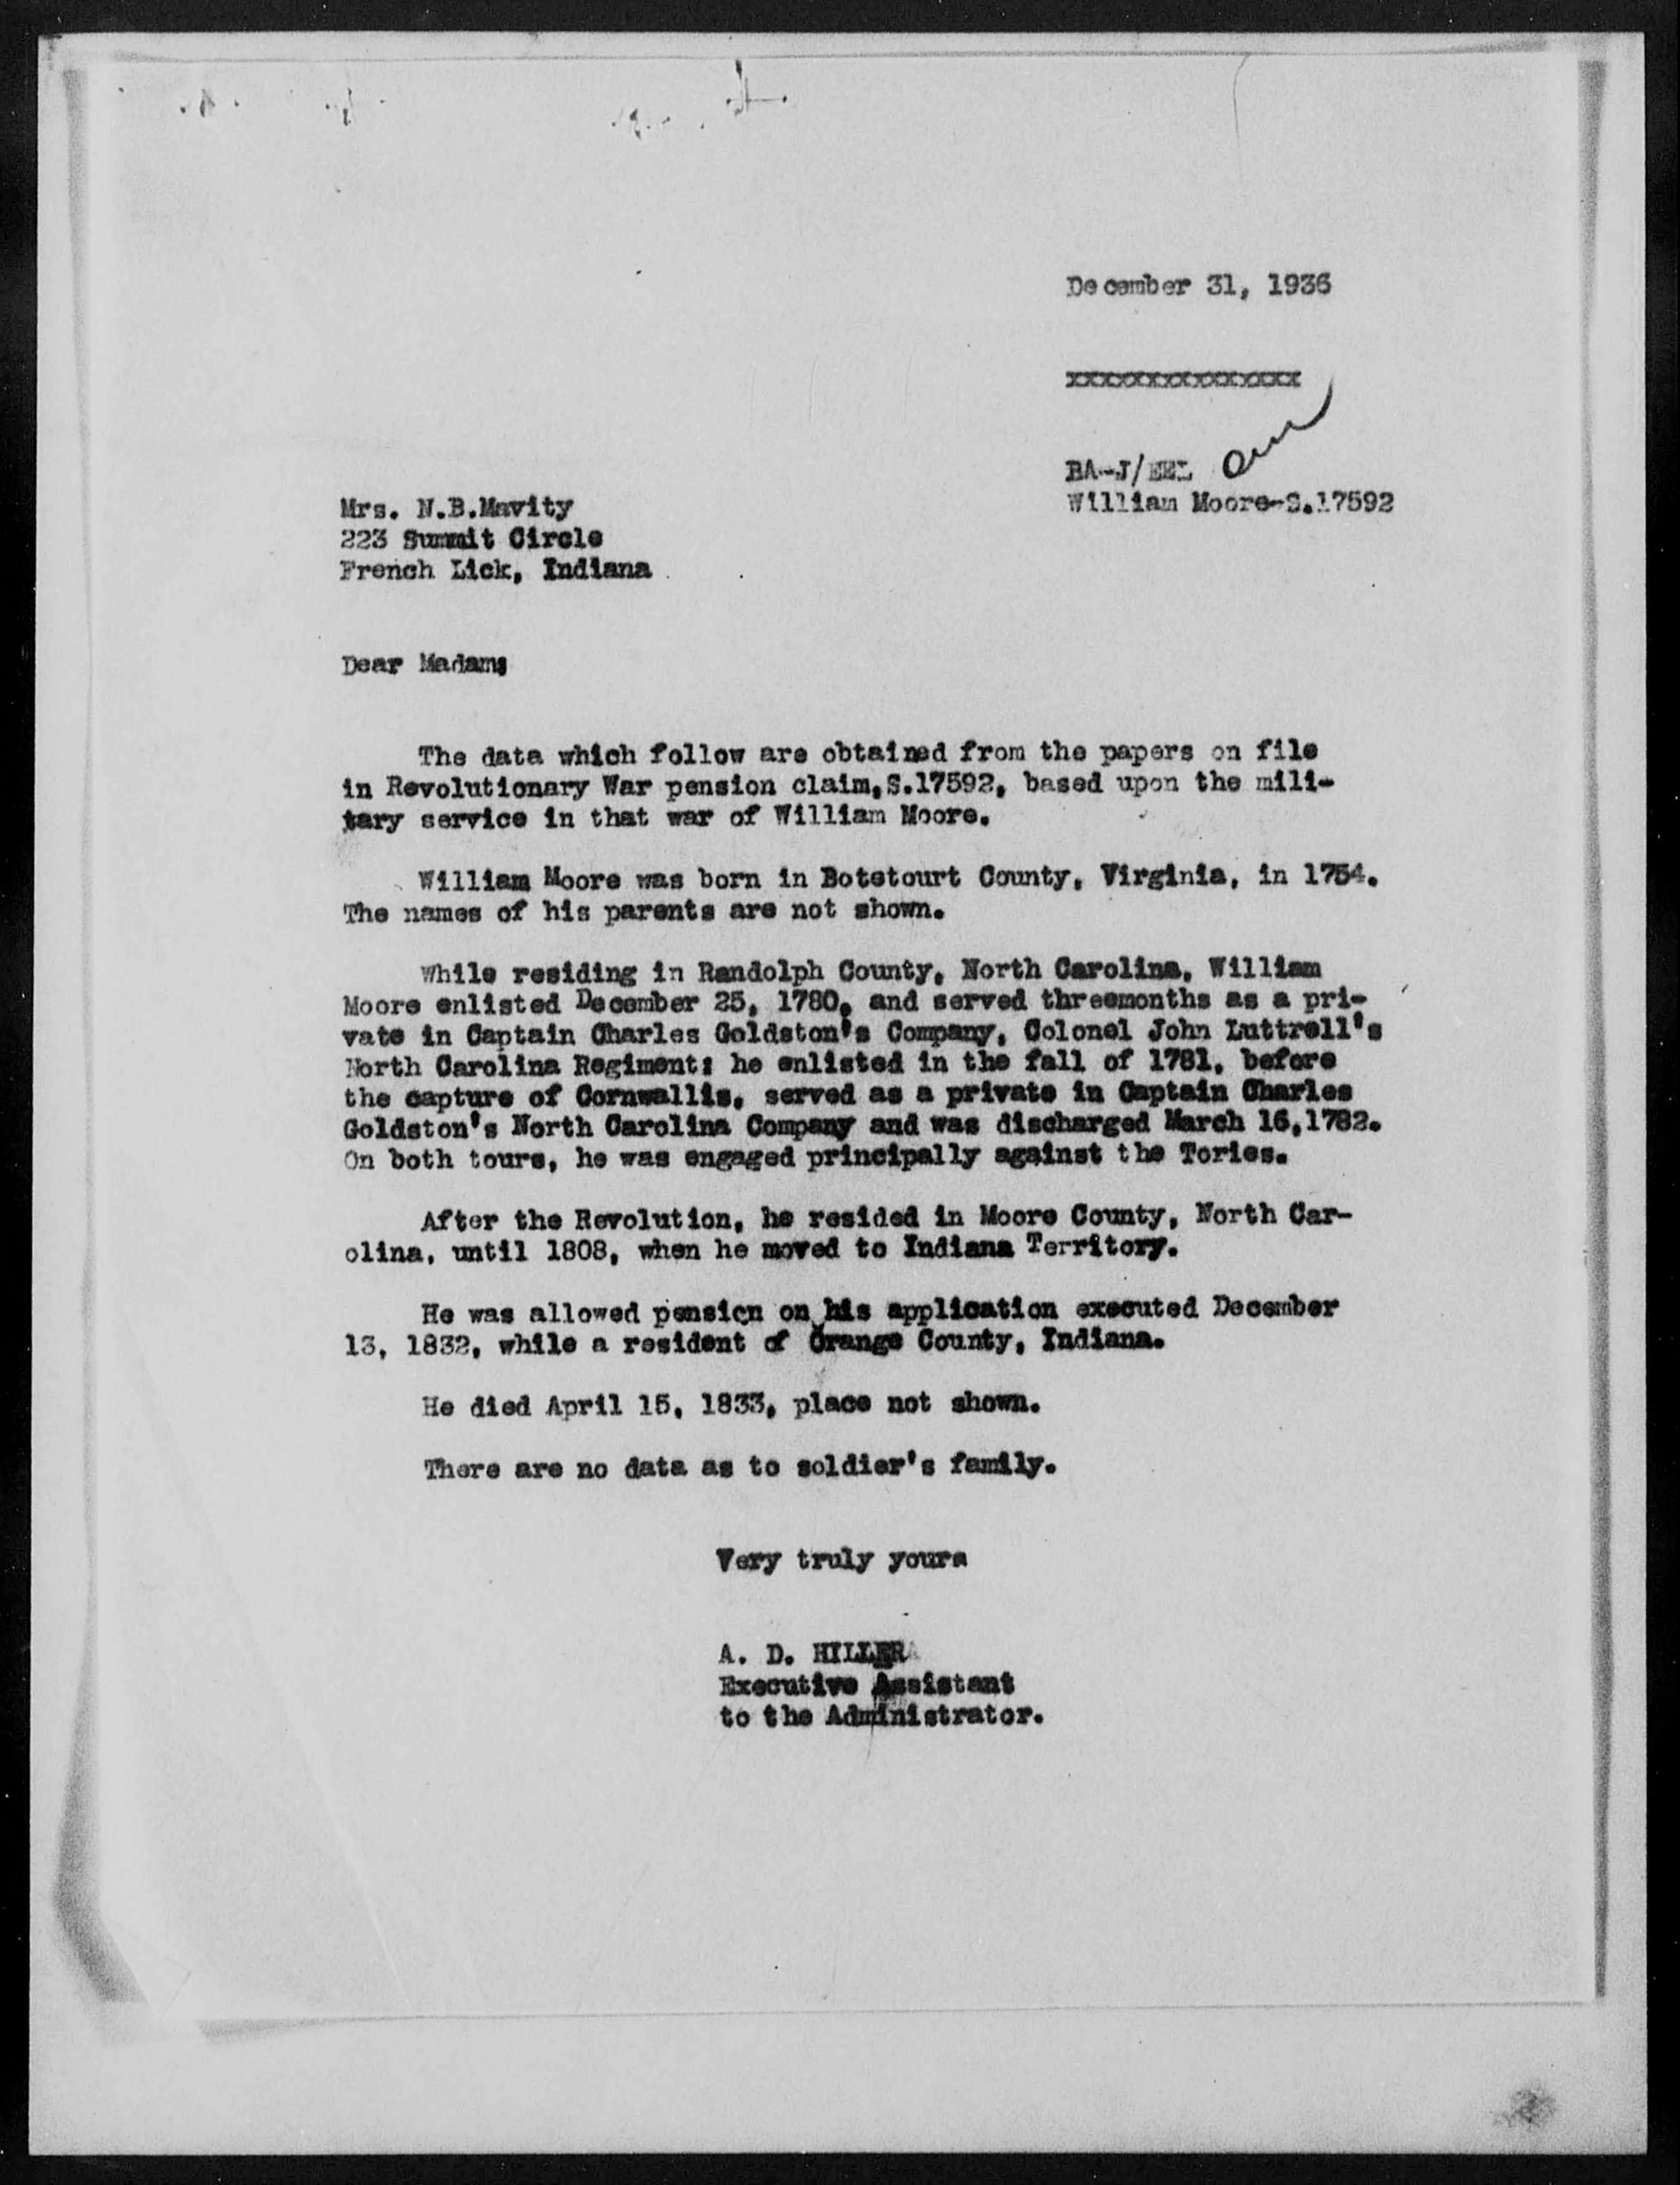December 31, 1936
                    xxxxxxxxxxxxxxxxxx
                    BA-J/EEL
                    William Moore-S.17592
AWN

Mrs. N.B. Mavity
223 Summit Circle
French Lick, Indiana

Dear Madam:
     The data which follow are obtained from the papers on file in Revolutionary War pension claim, S.17592, based upon the military service in that war of William Moore.
     William Moore was born in Botetourt County, Virginia, in 1754.  The names of his parents are not shown.
     Which residing in Randolph County, North Carolina, William Moore enlisted December 25, 1780, and served three months as a private in Captain Charles Goldston's Company, Colonel John Luttrell's North Carolina Regiment:  he enlisted in the fall of 1781, before the capture of Cornwallis, served as a private in Captain Charles Goldston's North Carolina Company and was discharged March 16, 1782.  On both tours, he was engaged principally against the Tories.
     After the Revolution, he resided in Moore County, North Carolina, until 1808, when he moved to Indiana Territory.
     He was allowed pension on his application executed December 13, 1832, while a resident of Orange County, Indiana.
     He died April 15, 1833, place not shown.
     There is no data as to soldier's family.
        Very truly yours
        A,D, HILLER
        Executive Assistant
        to the Administrator.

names: [BLANK] Cornwallis; William Moore; N B Mavity; A D Hiller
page: 11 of 16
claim: survivor's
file: S. 17,592, for William Moore, North Carolina